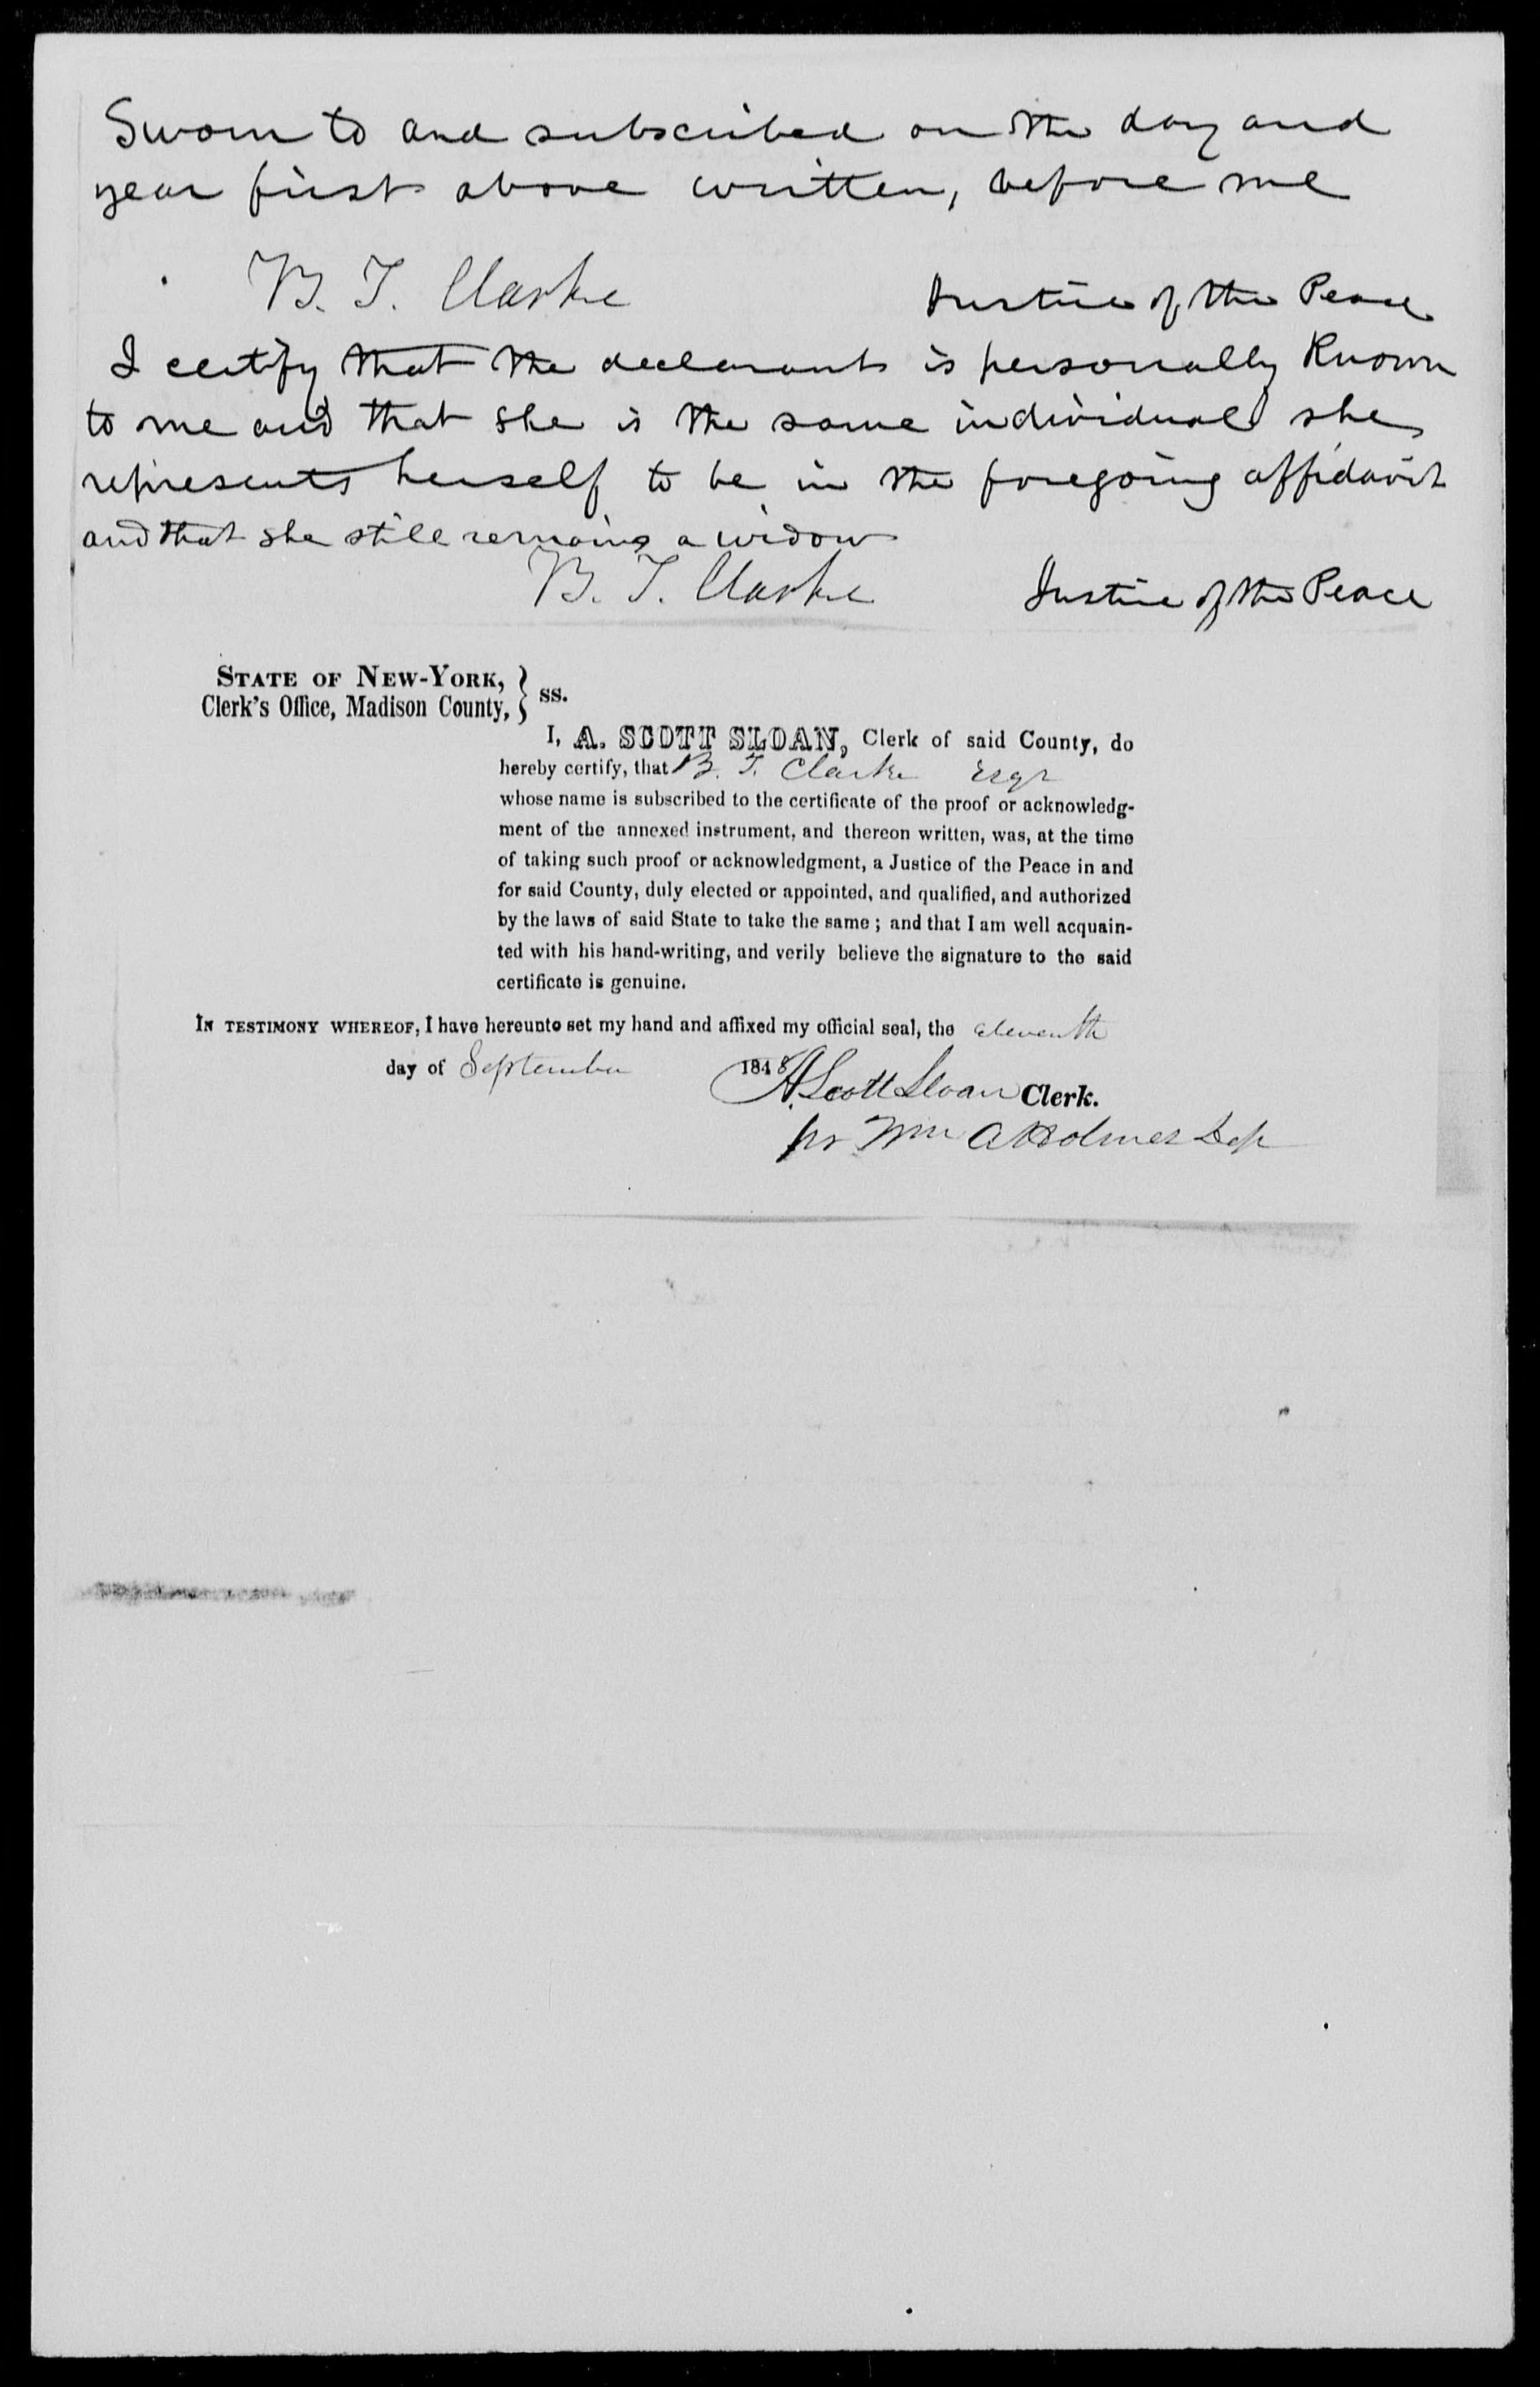Sworn to and subscribed on the day and 
year first above written, before me 
B. T. Clarke Justice of the Peace 
I certify that the declarant is personally known to me and that she is the same individual she represents herself to be in the foregoing affidavit and that she still remains a widow 
B. T. Clarke Justice of the Peace 
STATE OF NEW YORK, Clerk's Office, Madison County, SS. I, A. SCOTT SLOAN, Clerk of said County, do hereby certify, that B. T. Clarke Esqr whose name is subscribed to the certificate of the proof or acknowledgement of the annexed instrument, and thereon written, was, at the time of taking such proof or acknowledgment, a Justice of the Peace in and for said County, duly elected or appointed, and qualified, and authorized by the laws of said State to take the same; and that I am well acquainted with his hand-writing, and verily believe the signature to the said certificate is genuine. 
IN TESTIMONY WHEREOF, I have hereunto set my hand and affixed my official seal, the Eleventh day of September 
1848 A. Scott Sloan Clerk 
pr Wm A Holmes Dep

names: B T Clarke, B T Clarke, B T Clarke, Wm A Holmes, A Scott Sloan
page: 46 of 74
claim: widow's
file: W. 23424, John Allen, Mass. R. I.